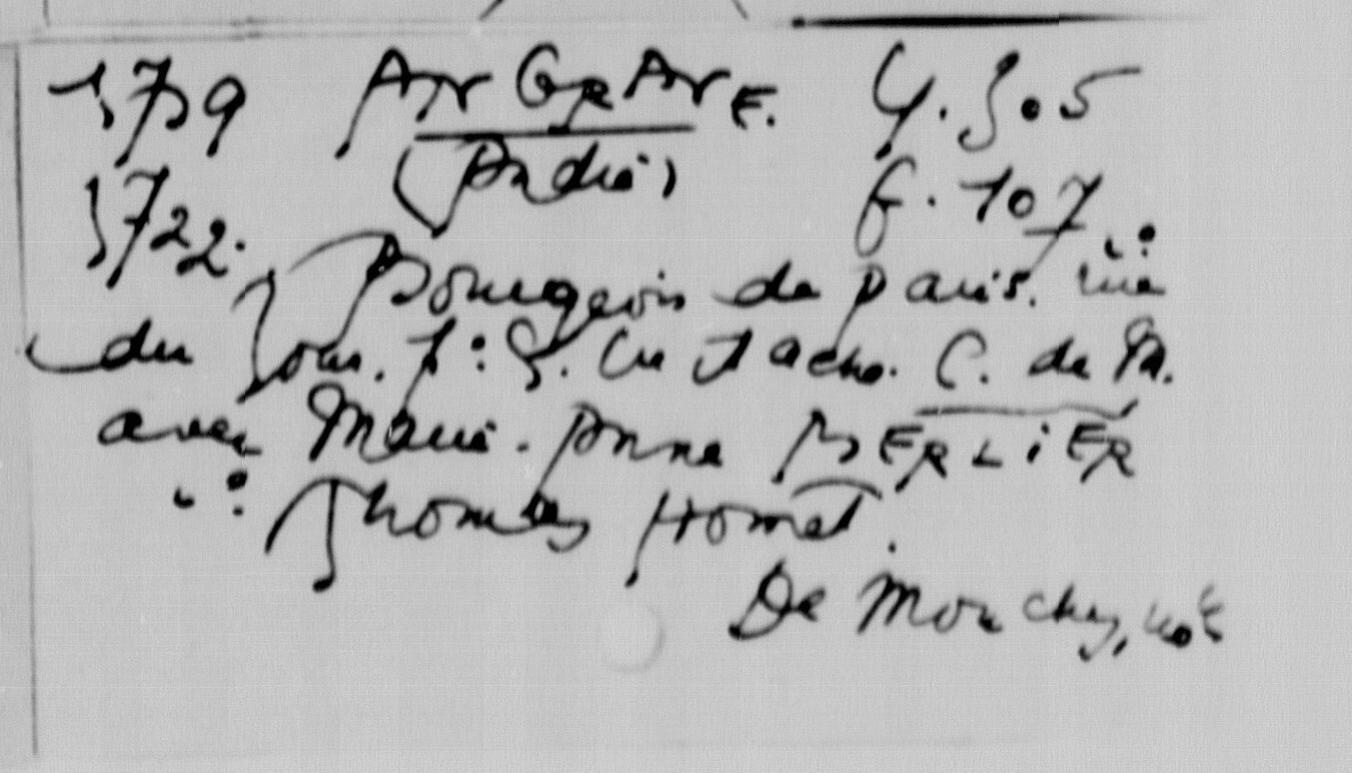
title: ANGRAVE (André)
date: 1709-1722
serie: Y
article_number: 305
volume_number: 107
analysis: Bourgeois de Paris, rue du Jour, paroisse Saint-Eustache. Contrat de mariage avec Marie-Anne BERLIER, veuve Thomas HOMET. De Monchy, notaire.
